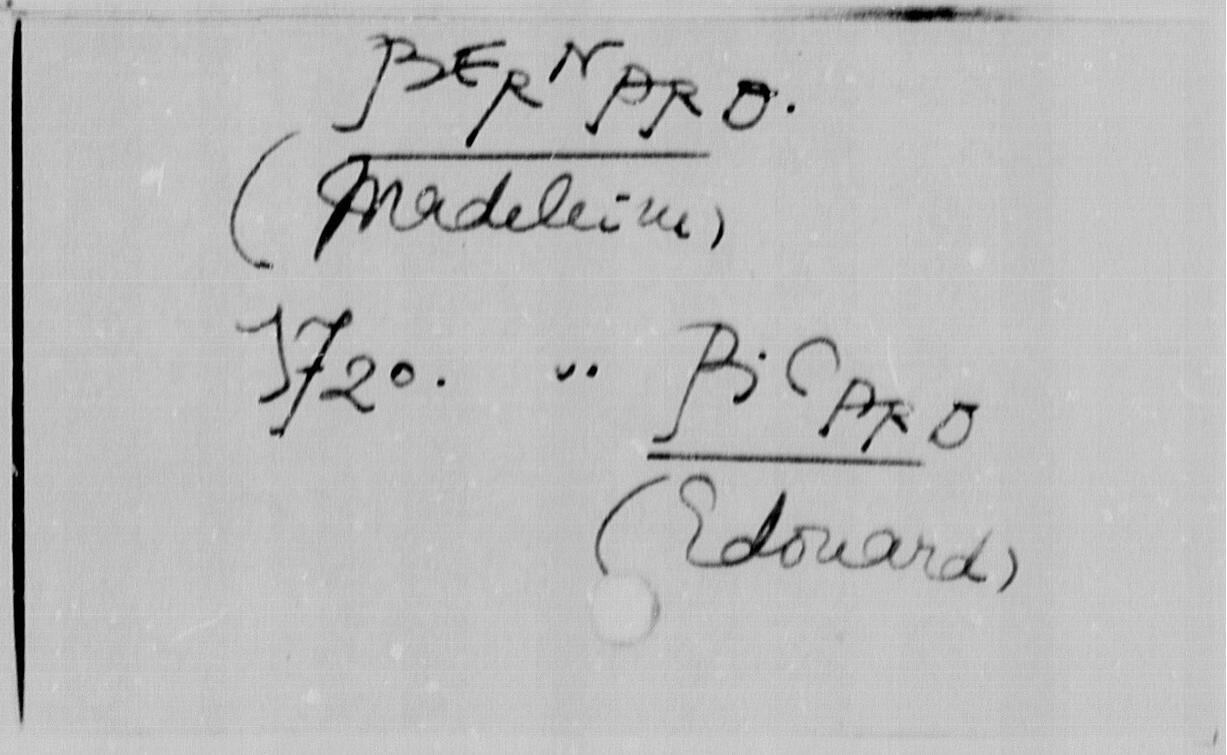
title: BERNARD (Madeleine)
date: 1720
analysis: Voir PICARD (Édouard)
